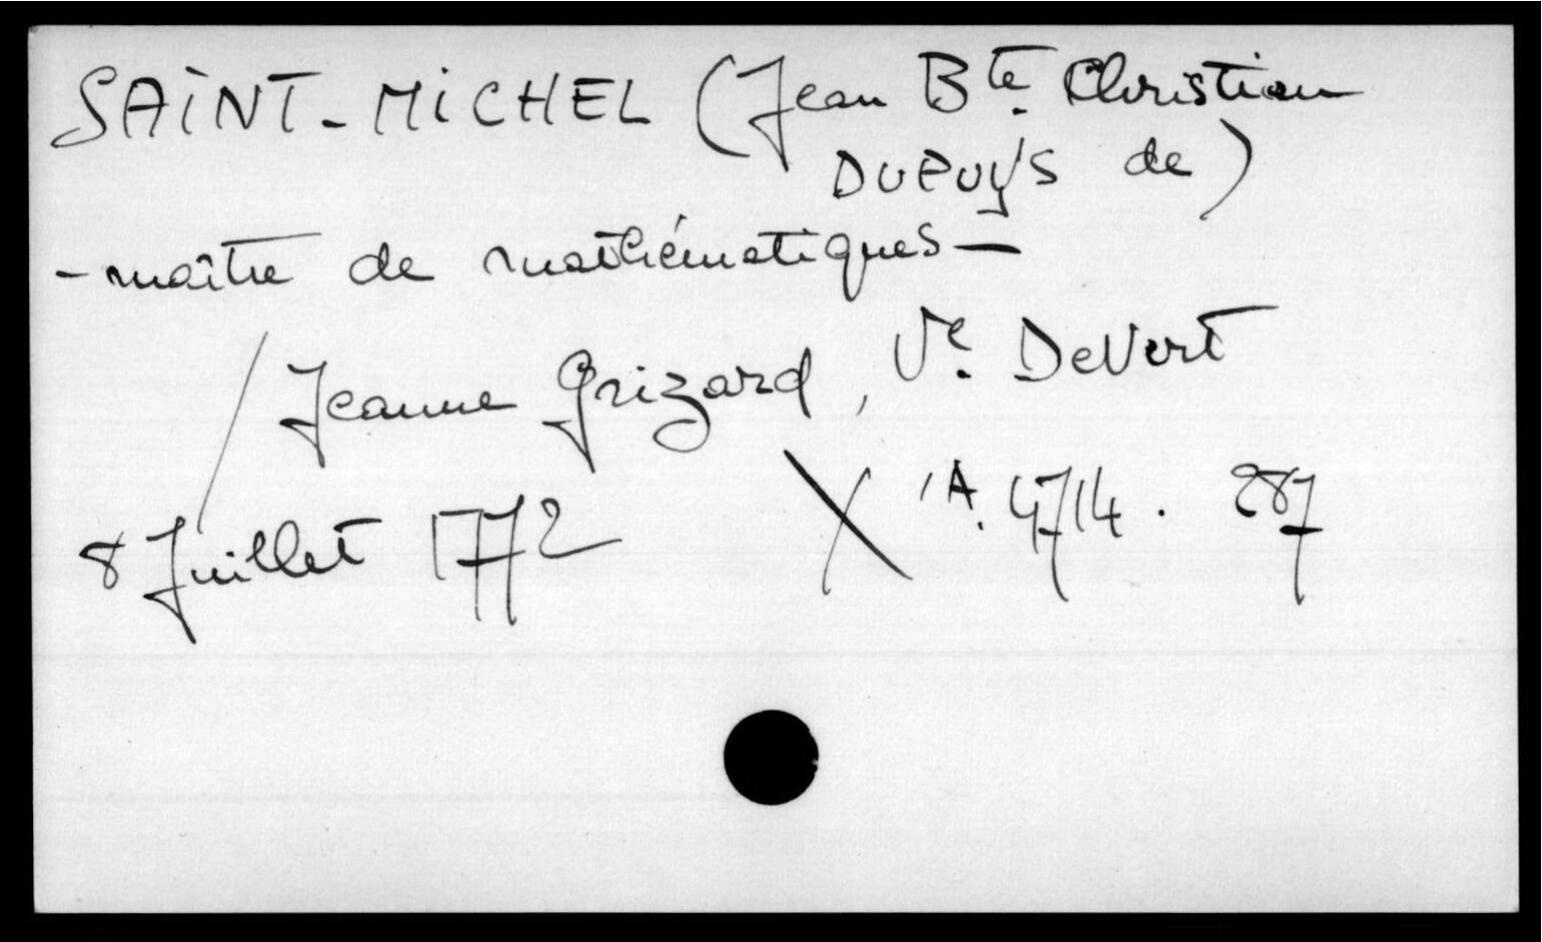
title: SAINT-MICHEL (Jean Baptiste Christian DUPUYS de) - maître de mathématiques
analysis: Contre Jeanne Grizard, veuve Devert
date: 8 juillet 1772
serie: X1A
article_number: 4714
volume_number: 287
